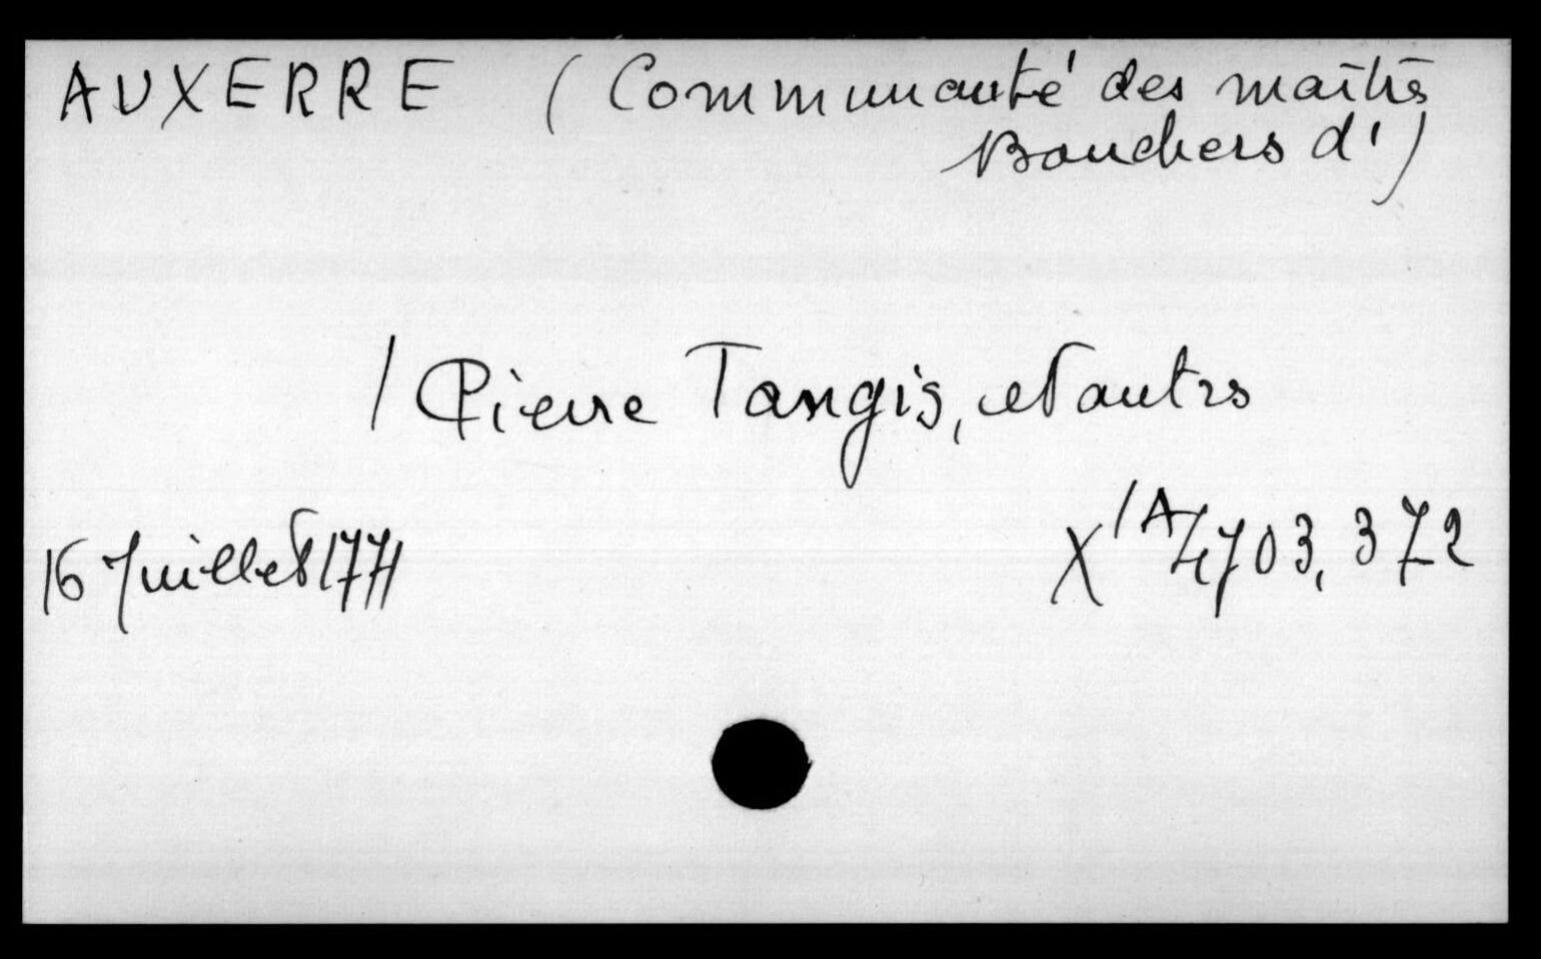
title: AUXERRE (Communauté des maîtres Bouchers d')
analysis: Contre Pierre Tangis, et autres
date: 16 juillet 1771
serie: X1A
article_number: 4703
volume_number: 372
